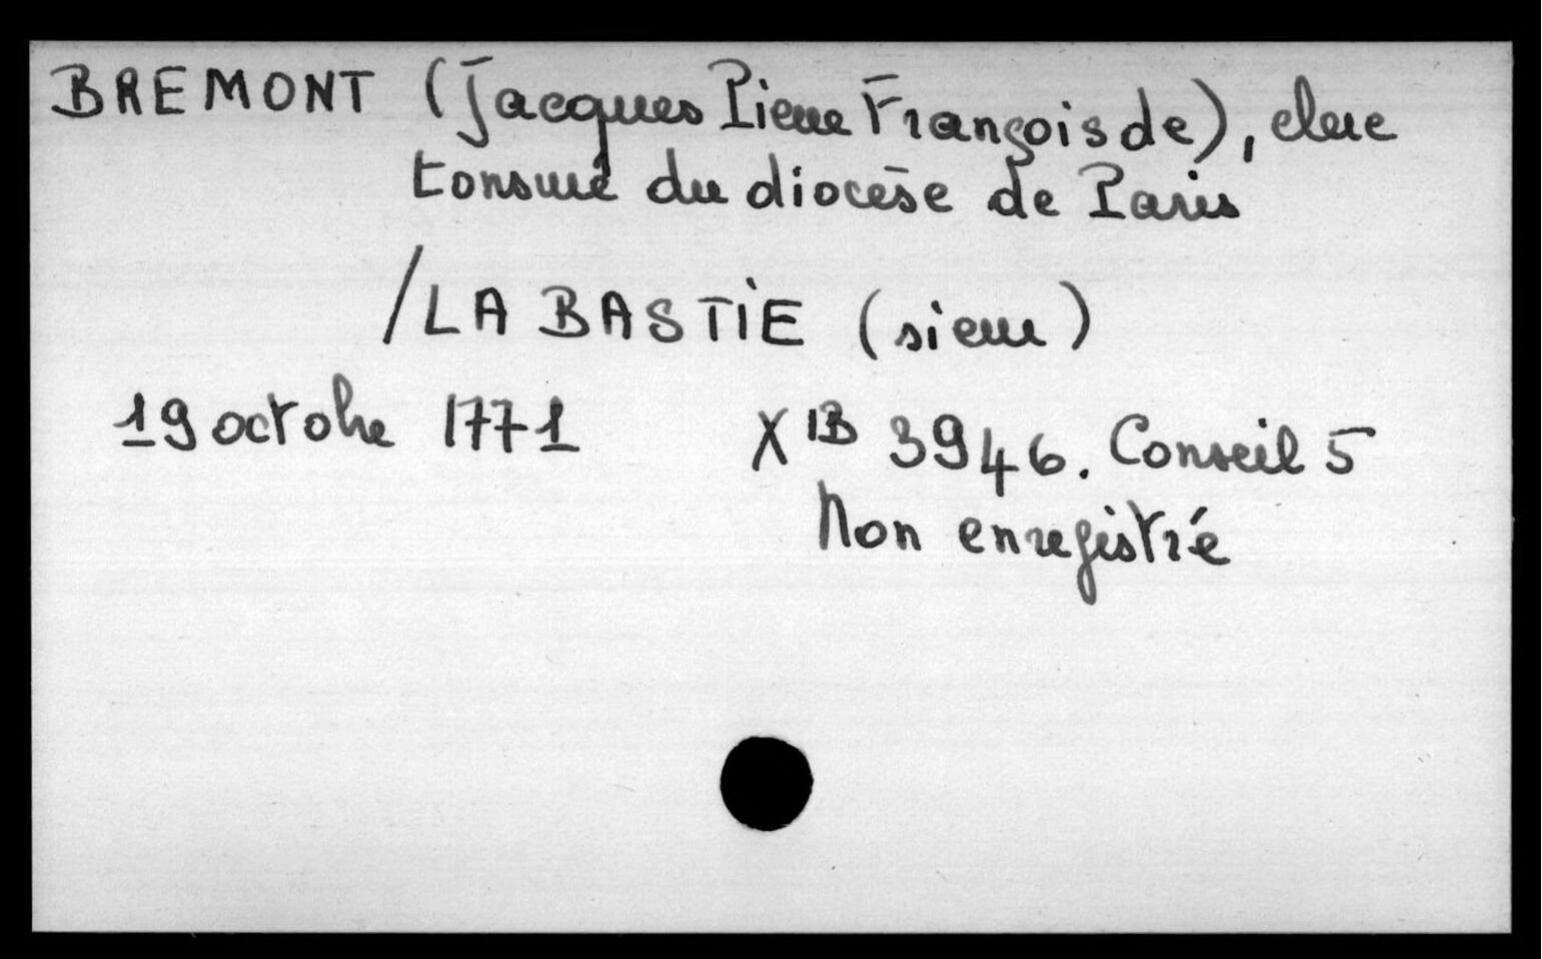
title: BREMONT (Jacques Pierre François de), clerc tonsure du diocèse de Paris
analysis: Contre LA BASTIE (sieur)
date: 19 octobre 1771
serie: X1b
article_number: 3946
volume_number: Conseil 5 non enregistré
